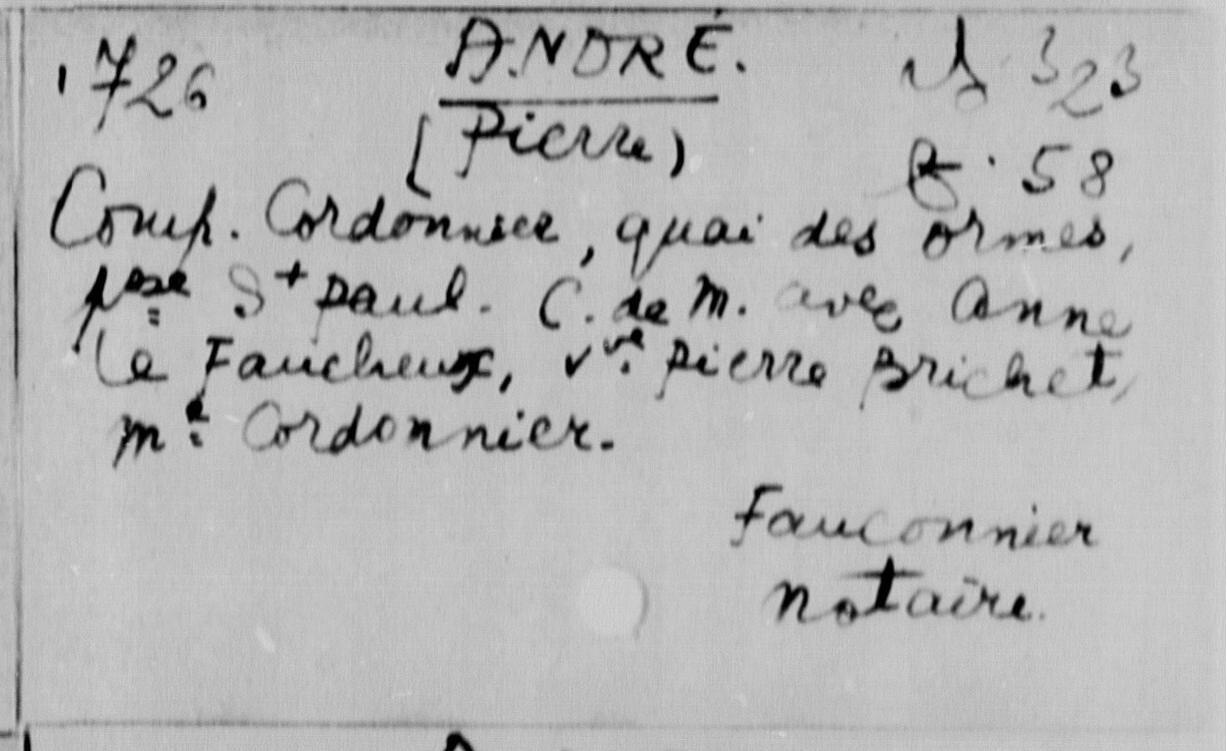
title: ANDRÉ (Pierre)
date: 1726
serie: Y
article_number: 323
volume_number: folio 58
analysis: Compagnon cordonnier, quai de Ormes, paroisse Saint Paul. Contrat de mariage avec Anne Le Faucheux, veuve Pierre Brichet, maître cordonnier. Fauconnier, notaire
